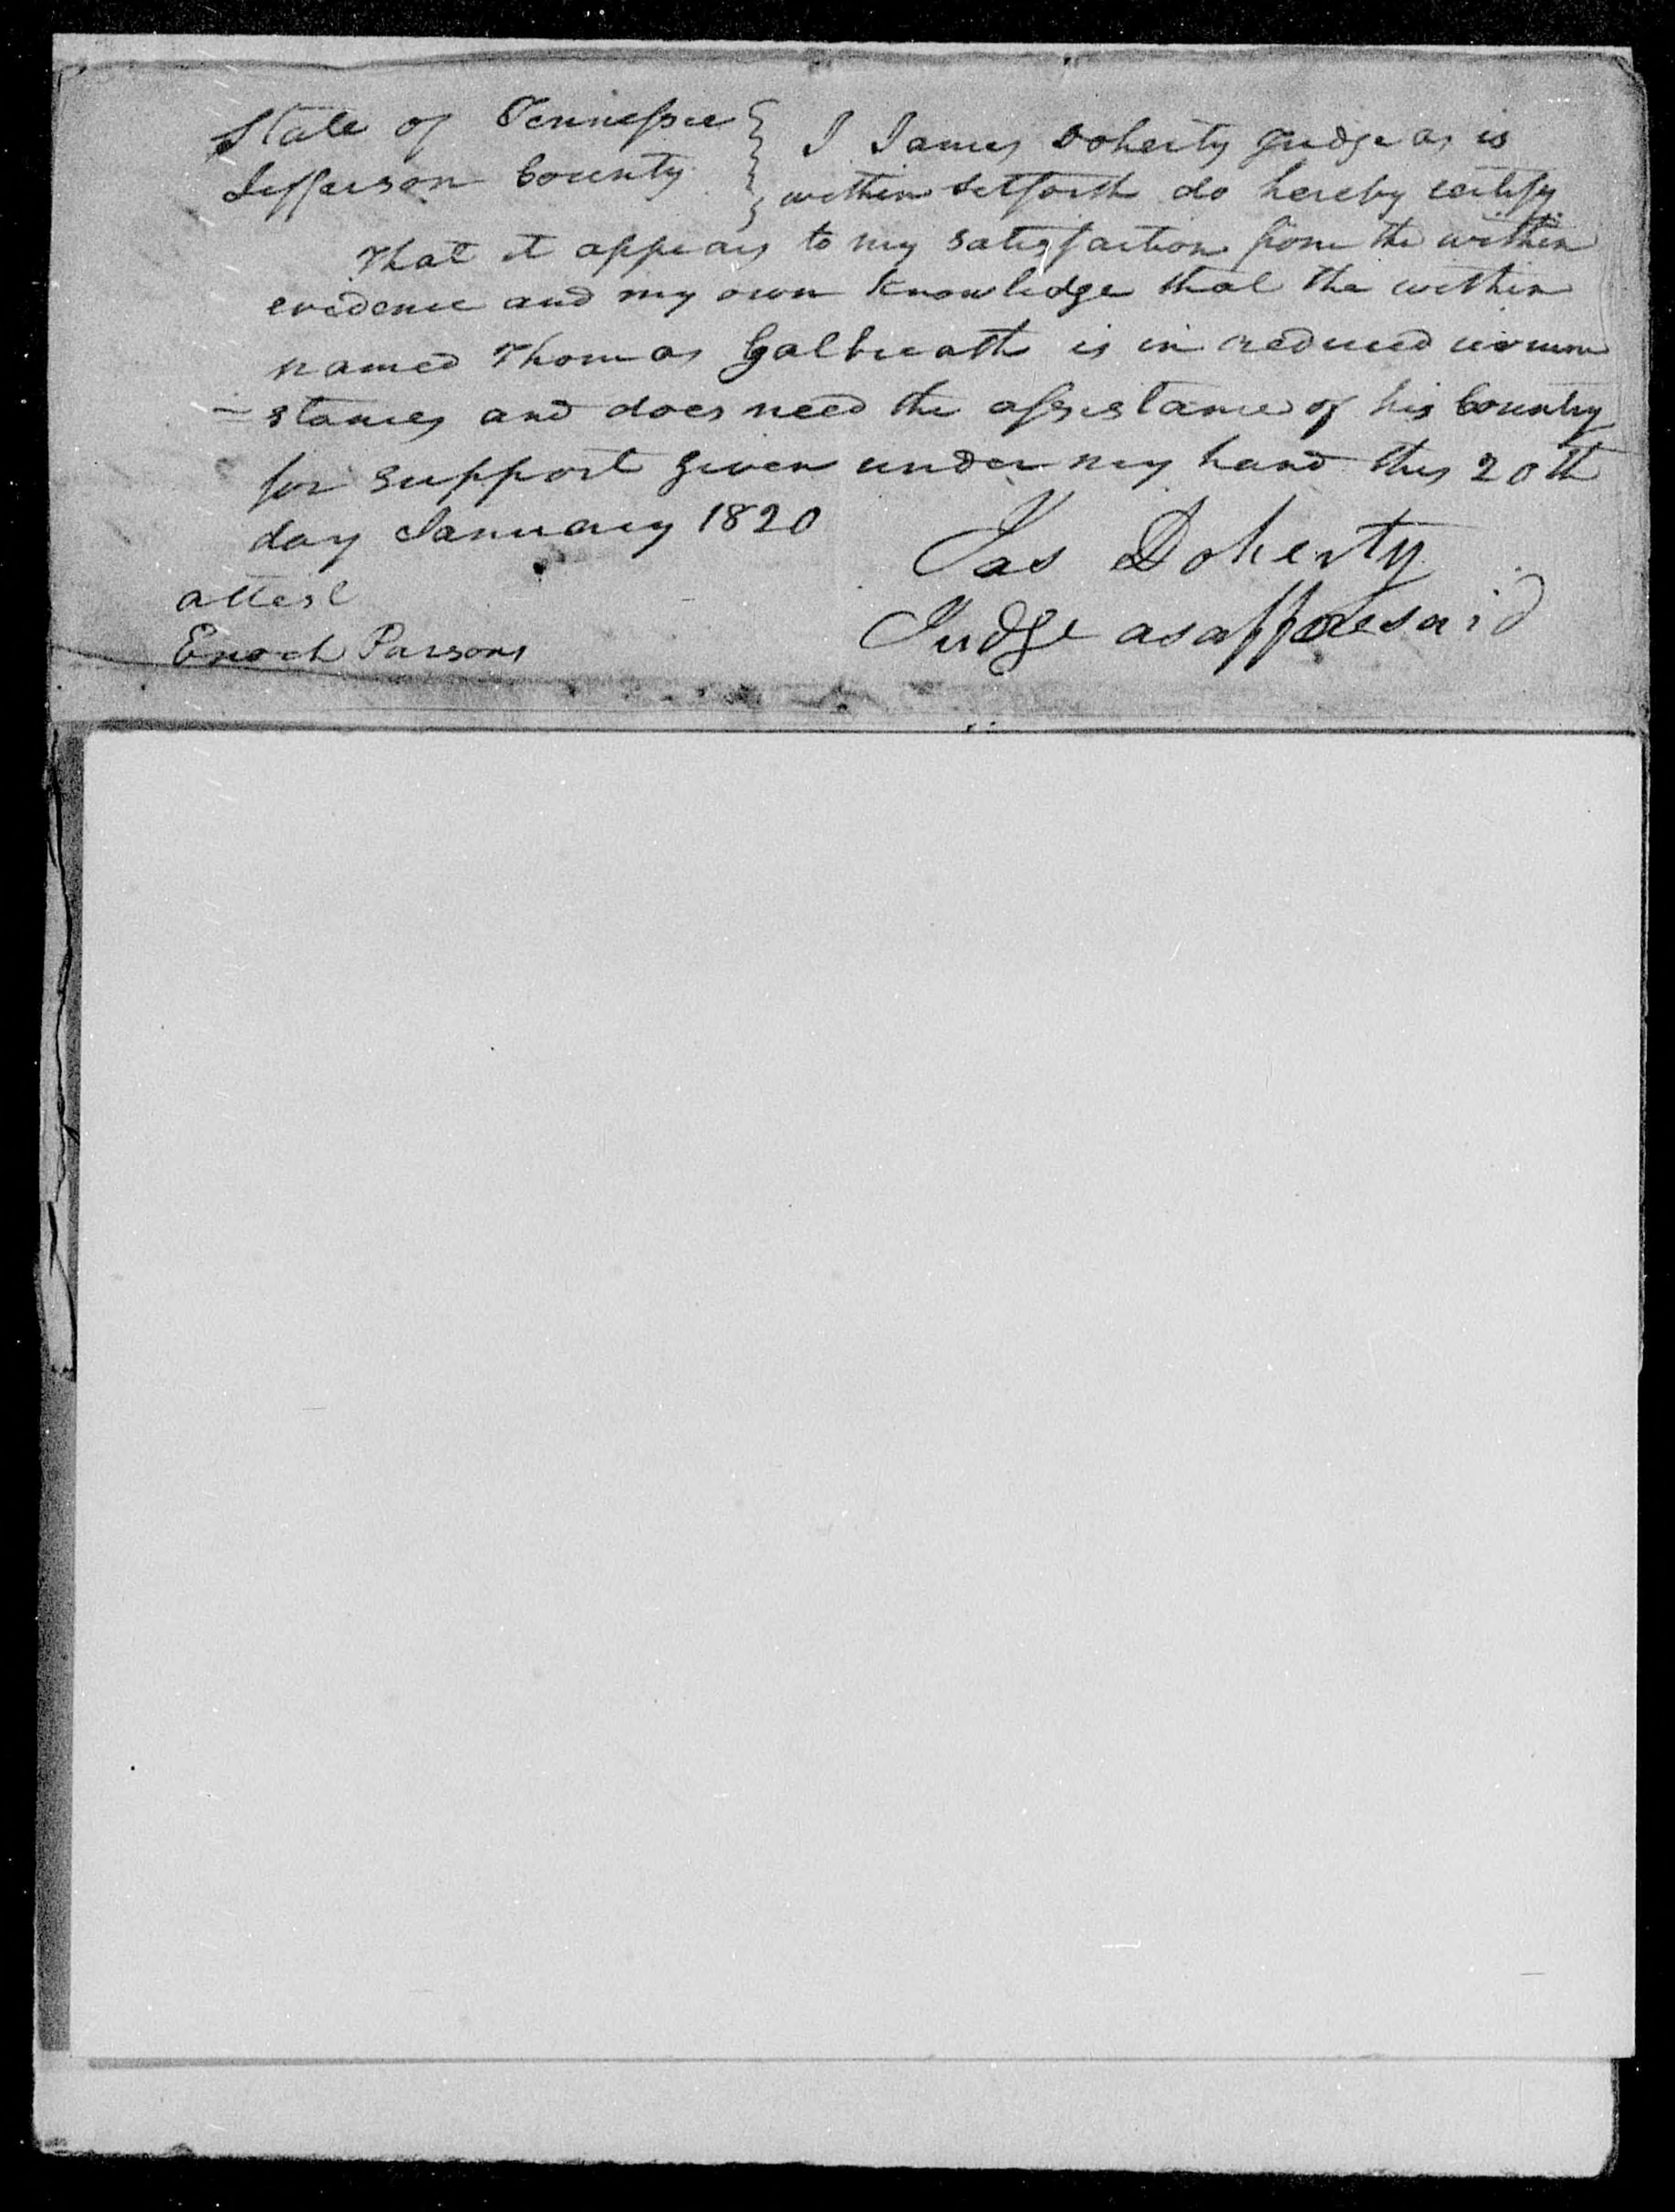State of Tennessee
Jefferson County
I James Doherty Judge as is
within setforth do hereby certify
that it appears to my satisfaction from the within
evidence and my own knowledge that the within
named Thomas Galbreath is in reduced in
circumstances and does need the assistance of his Country for support given under my hand this 20th day January 1820
attest
Enoch Parsons
Jas Doherty
Judge as aforesaid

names: Jas Doherty, Thomas Galbreath, James Doherty, Enoch Parsons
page: 7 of 24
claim: survivor's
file: S. 38727, Thomas Gilbreath, Penn.